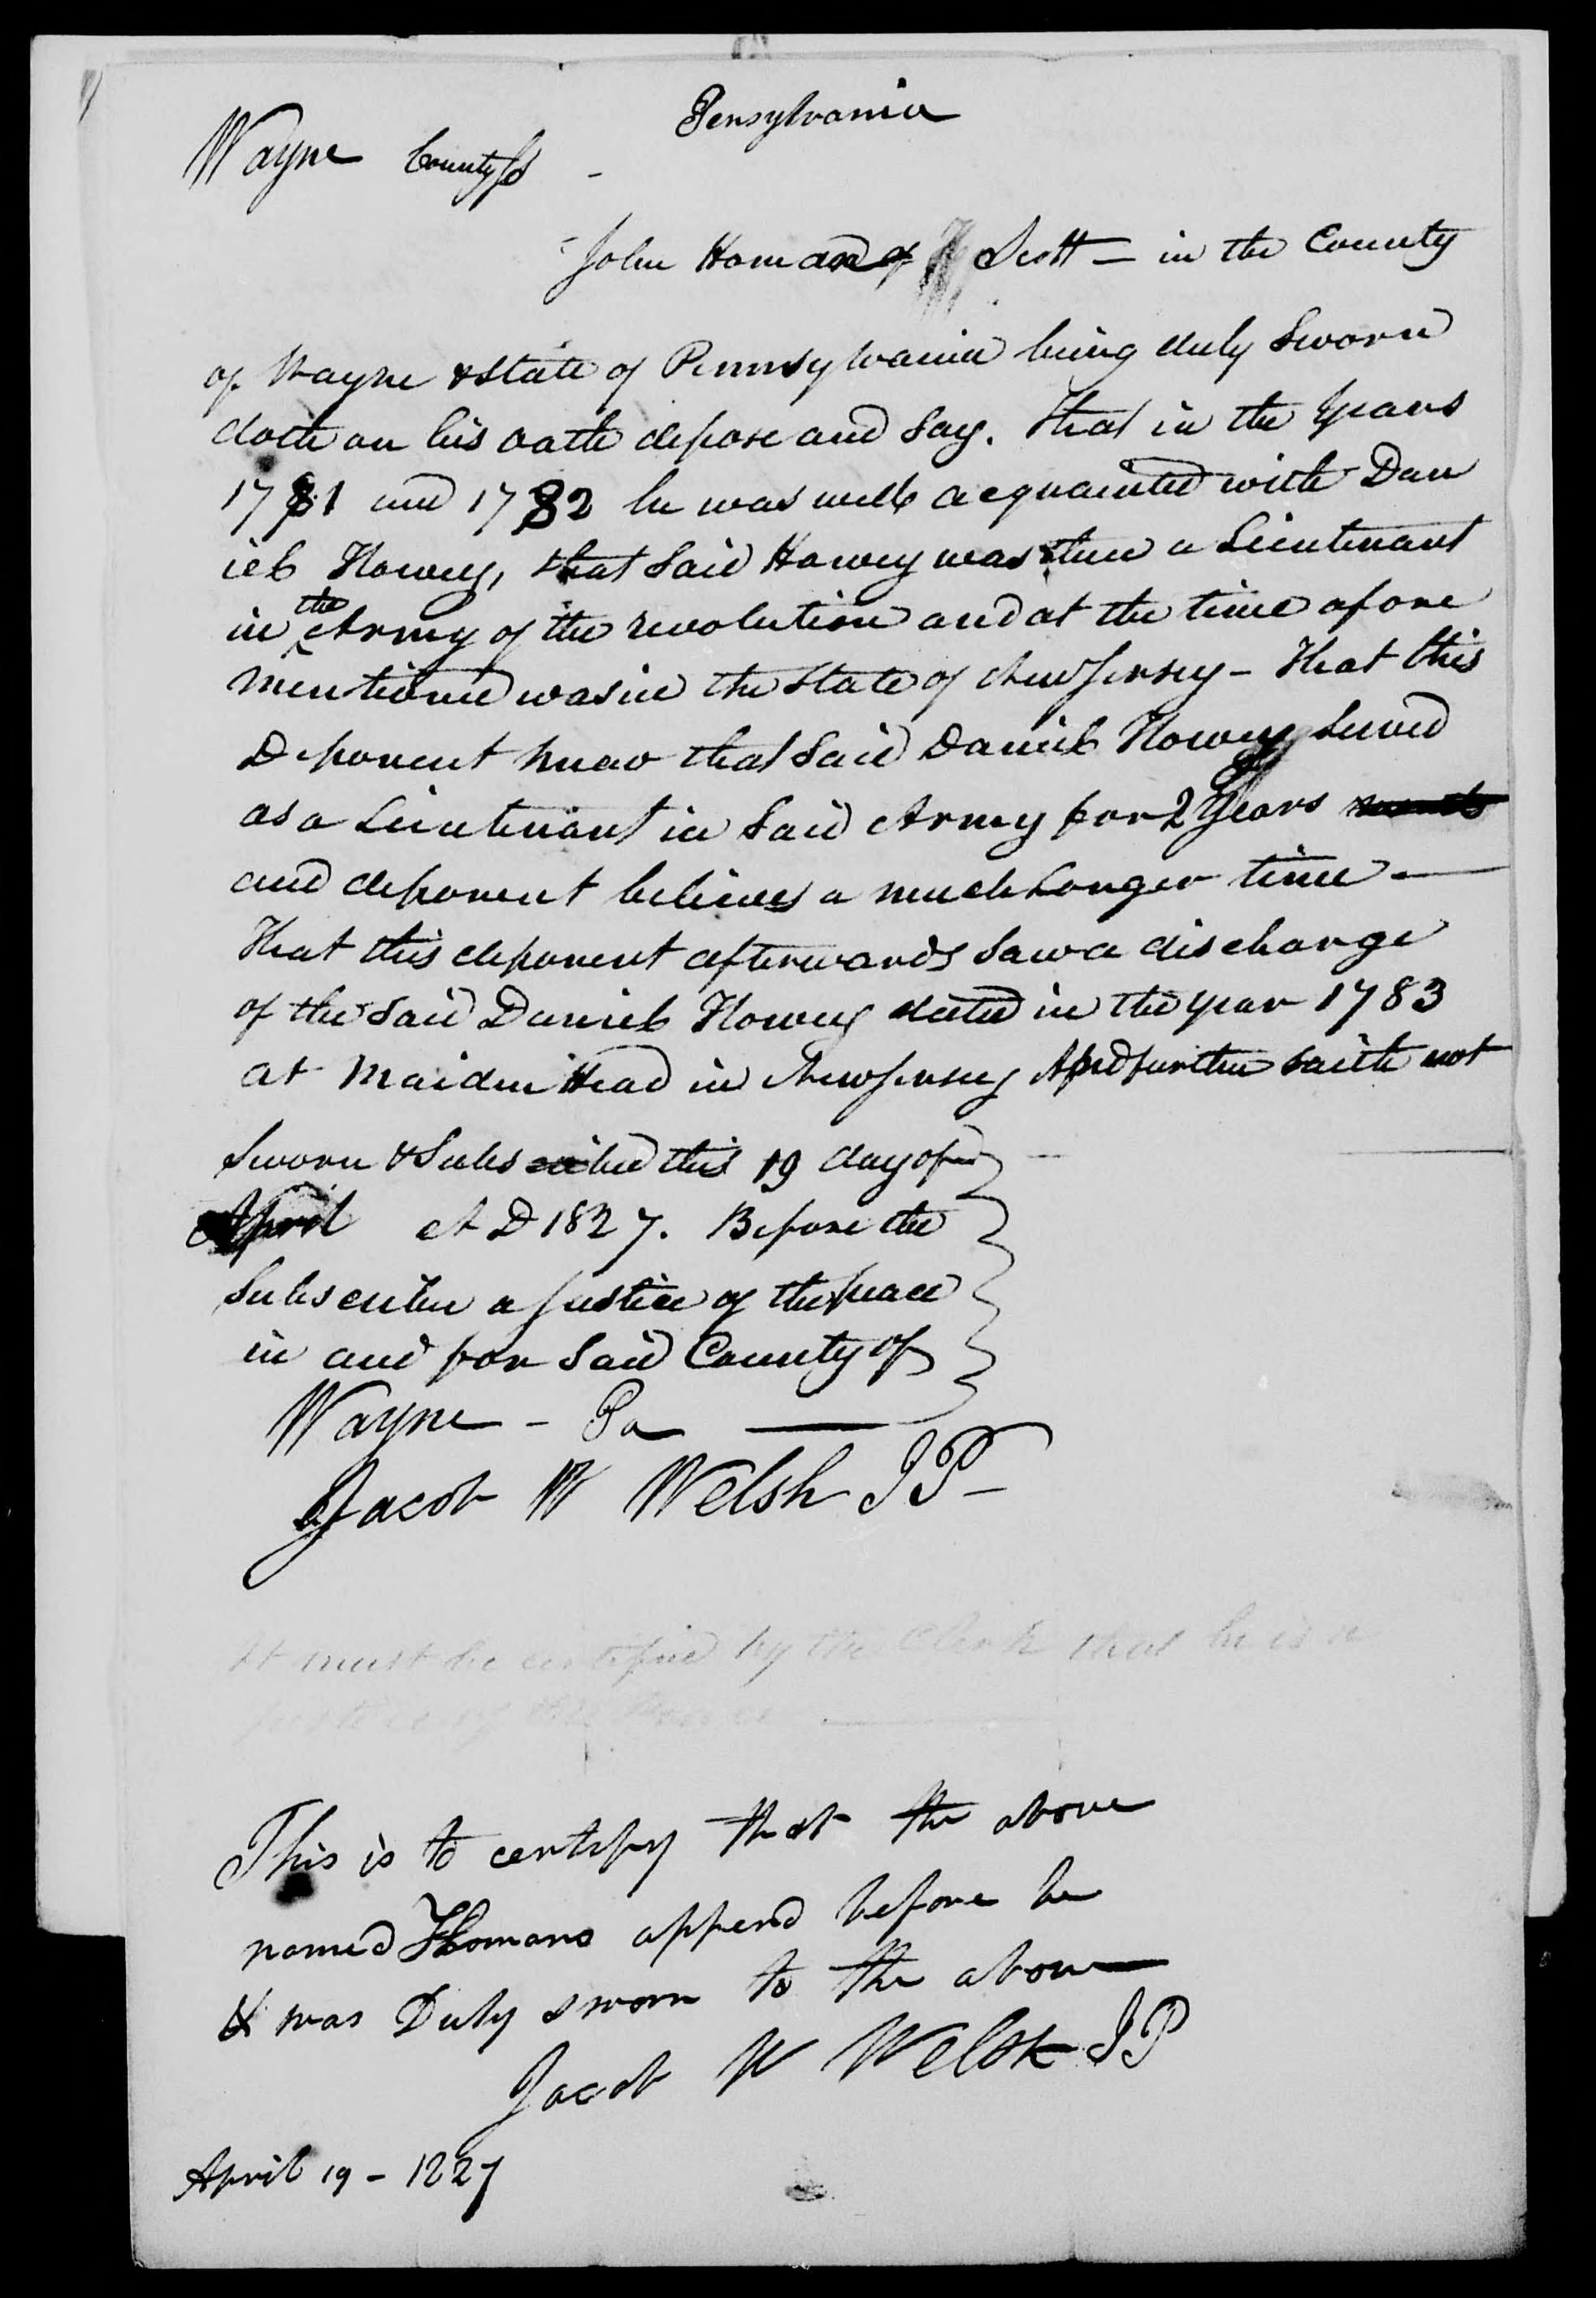Pennsylvania
Wayne County P
John Howard of Scott - in the county of Wayne and state of Pennsylvania being duly Sworn doth on his oath depose and say, that in the years 1781 and 1782 he was well acquainted with Daniel Howey, that said Howey was then a Lieutenant in the Army of the revolution and at the time of one mentioned was in the state of New Jersey - that this Deponent knew that said Daniel Howey served as a Lieutenant in Said Army for 2 years and deponent believes a much longer time - That this deponent afterwards saw a discharge of the said Daniel Howey dated in the year 1783 at MaidenHead in New Jersey and further saith not.
Sworn and Subscribed this 19 day of April AD 1827. Before the Subscriber a Justice of the Peace in and for said County of Wayne PA 
Jacob W Welsh JP
[faintly written] It must be certified by the clerk that he is a Justice of the Peace.
This is to certify that the above name Thomans apperd before me & was Duly sworn to the above.
Jacob W welsh JP
April 19 - 1227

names: Jacob W Welsh, Daniel Howey, H Scott, John Homan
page: 22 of 25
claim: rejected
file: R. 5190, Daniel Howey, New Jersey New York